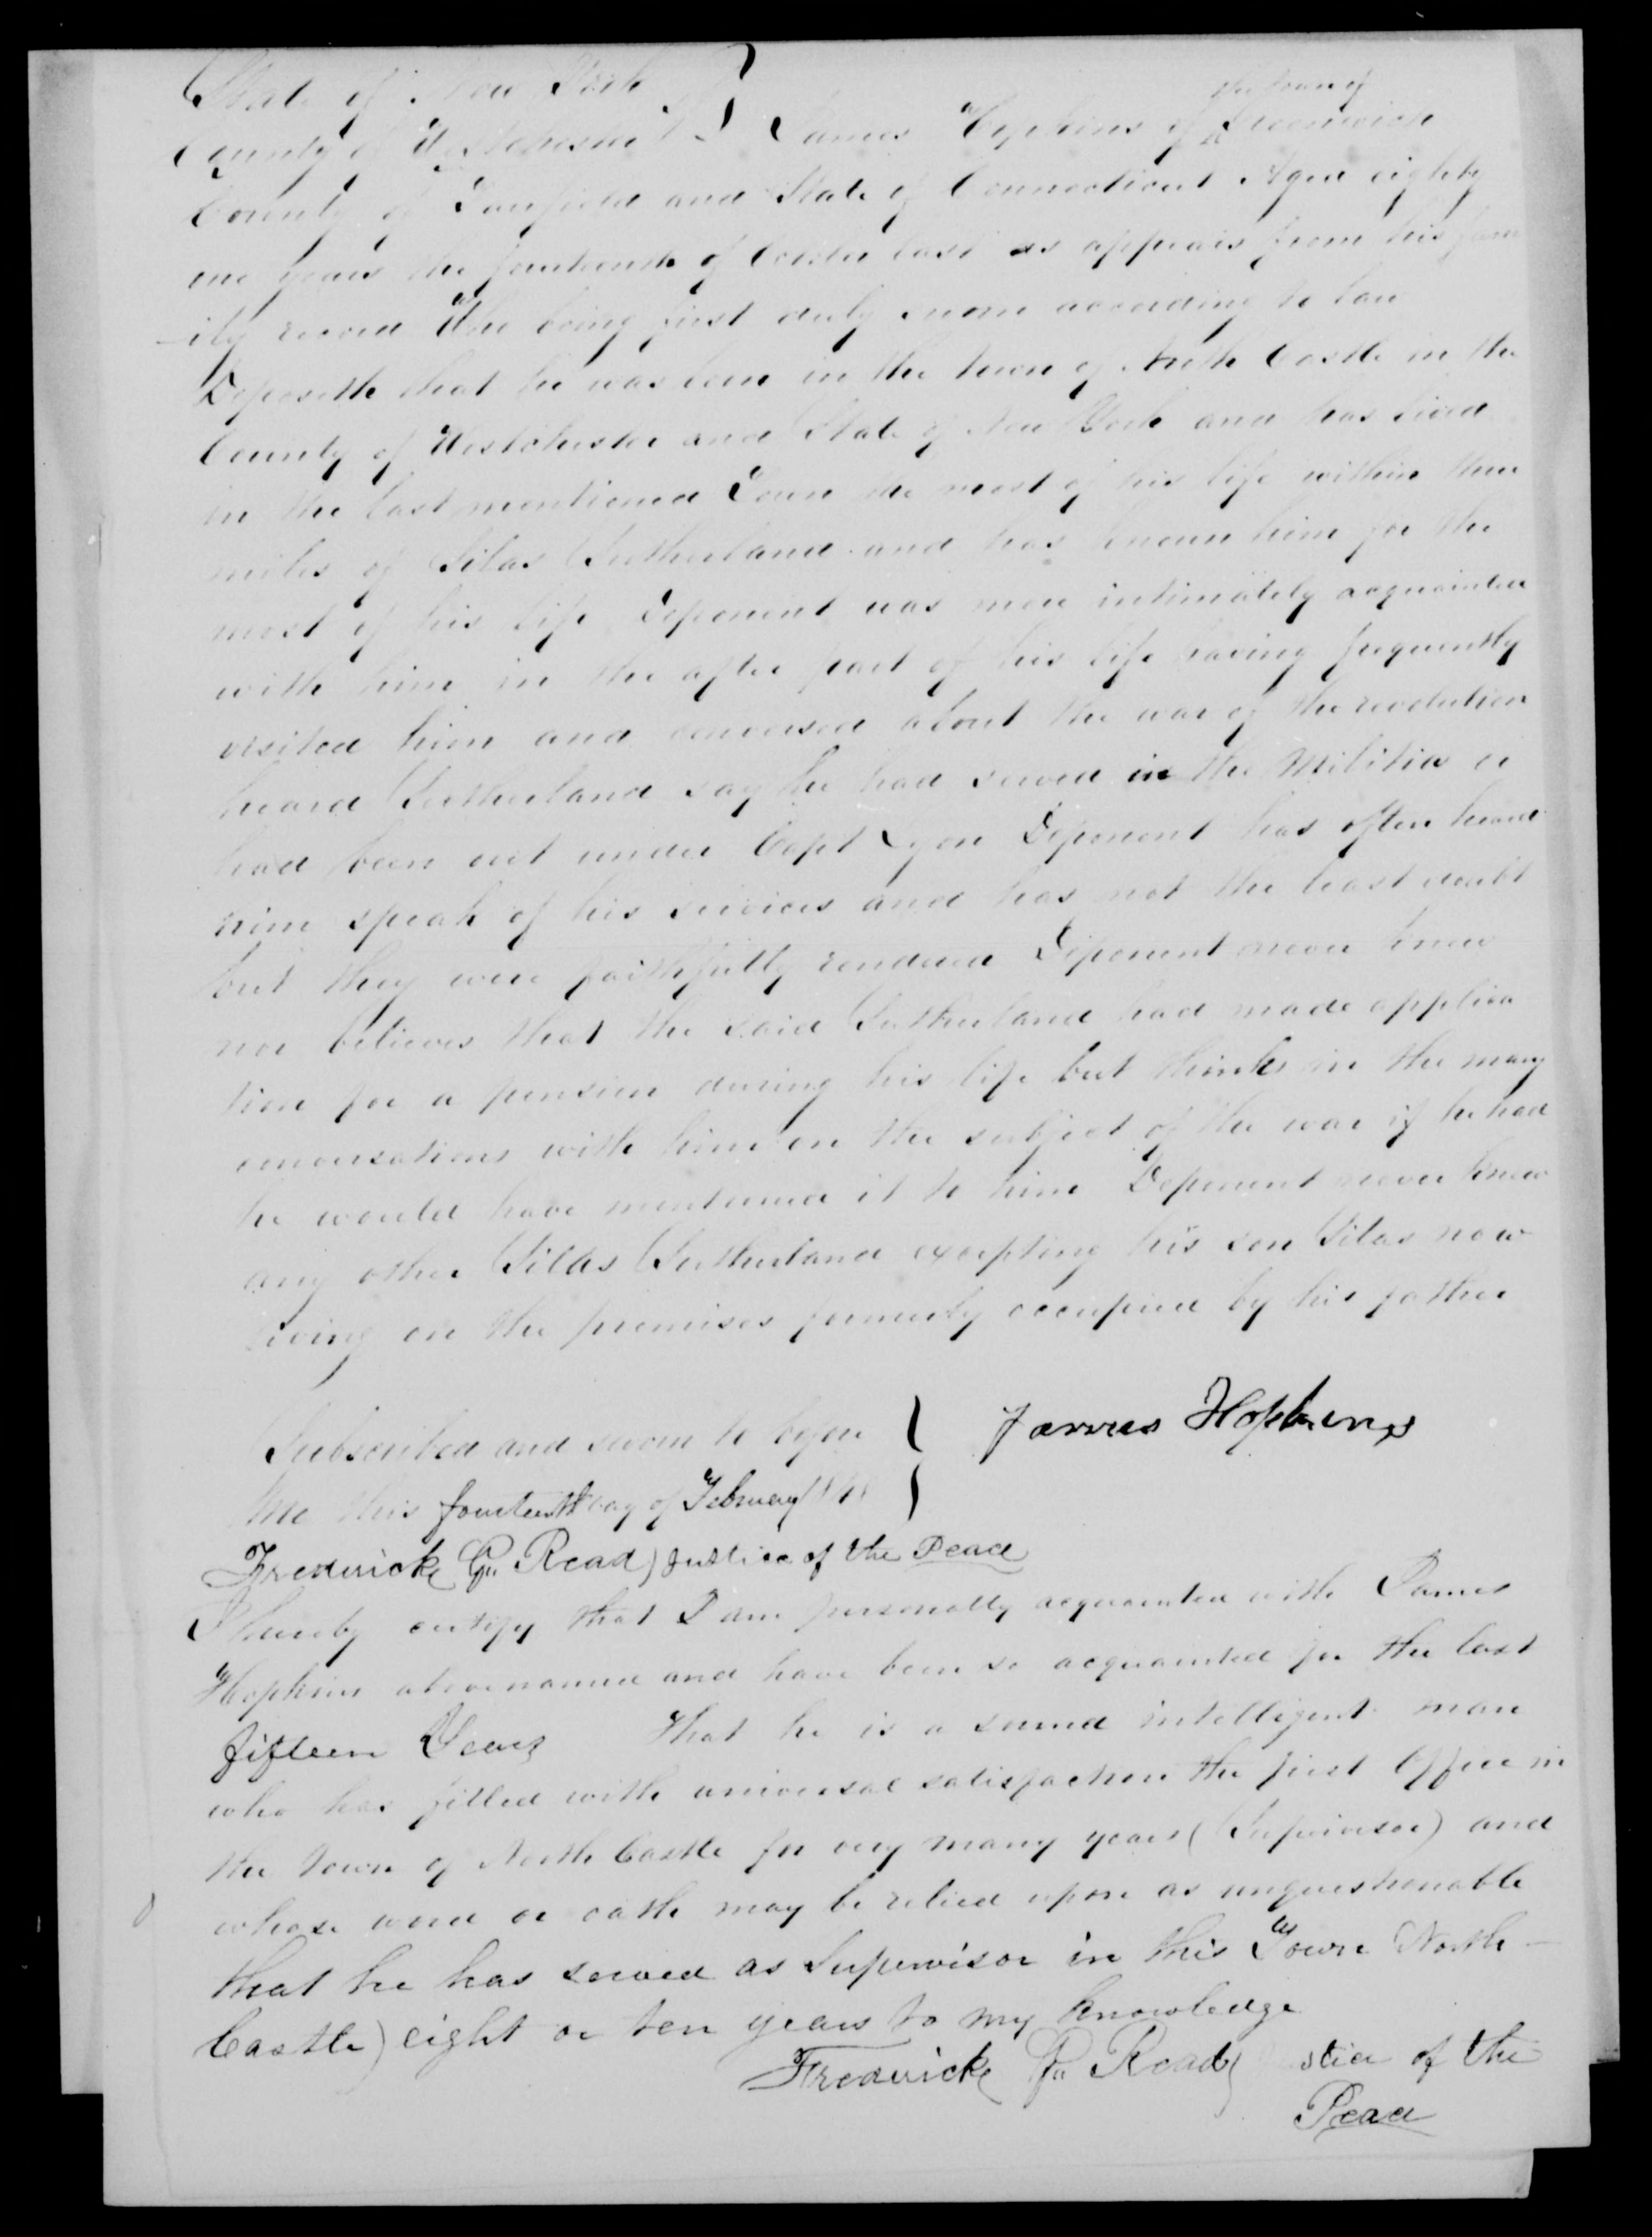State of New York 
County of Westchester ss } 

James Hopkins of the town of Greenwich County of Fairfield and State of Connecticut Aged eighty  one years the fourteenth of October [?] last as appears from his family record who being first duly sworn according to law Deposith that he was born in the town of North Castle in the County of Westchester and State of New York and has lived in the last mentioned Town the most of his life within three miles of Silas Sutherland and has known him for the most of his life.  Deponent was more intimately acquainted with him in the after part of his life having frequently visited him and conversed [?] about the war of the revolution heard Sutherland say he had served in the Militia or had been out under Capt Lyon.  Deponent had often heard him speak of his services and has not the least doubt but they were faithfully rendered.  Deponent never knew nor believes that the said Sutherland had made application for a pension during his life but thinks in the many conversations with him on the subject of the war if he had he would have mentioned it to him.  Deponent never knew any other Silas Sutherland excepting his son Silas now living on the premises formerly occupied by his father.  

James Hopkins

Subscribed and sworn to before me this fourteenth day of February 1848

Frederick G. Read, Justice of the Peace

I hereby certify that I am personally acquainted with James Hopkins above named and have been so acquainted for the last fifteen years that he is a sound intelligent man  who has filled with universal satisfaction that first Office in the town of North Castle for very many years (Supervisor) and whose word or oath may be relied upon as unquestionable that he has served as Supervisor in this Town (North-Castle) eight or ten years to my knowledge.  

Frederick G. Read, Justice of the Peace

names: Frederick G Read; Silas Sutherland; [BLANK] Lyon; James Hopkins; James Hopkins; Frederick G Read; James Hopkins; Silas Sutherland; [BLANK] Sutherland; [BLANK] Sutherland; Silas Sutherland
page: 31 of 77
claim: survivor's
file: S. 23003, for Silas Southerland, New York